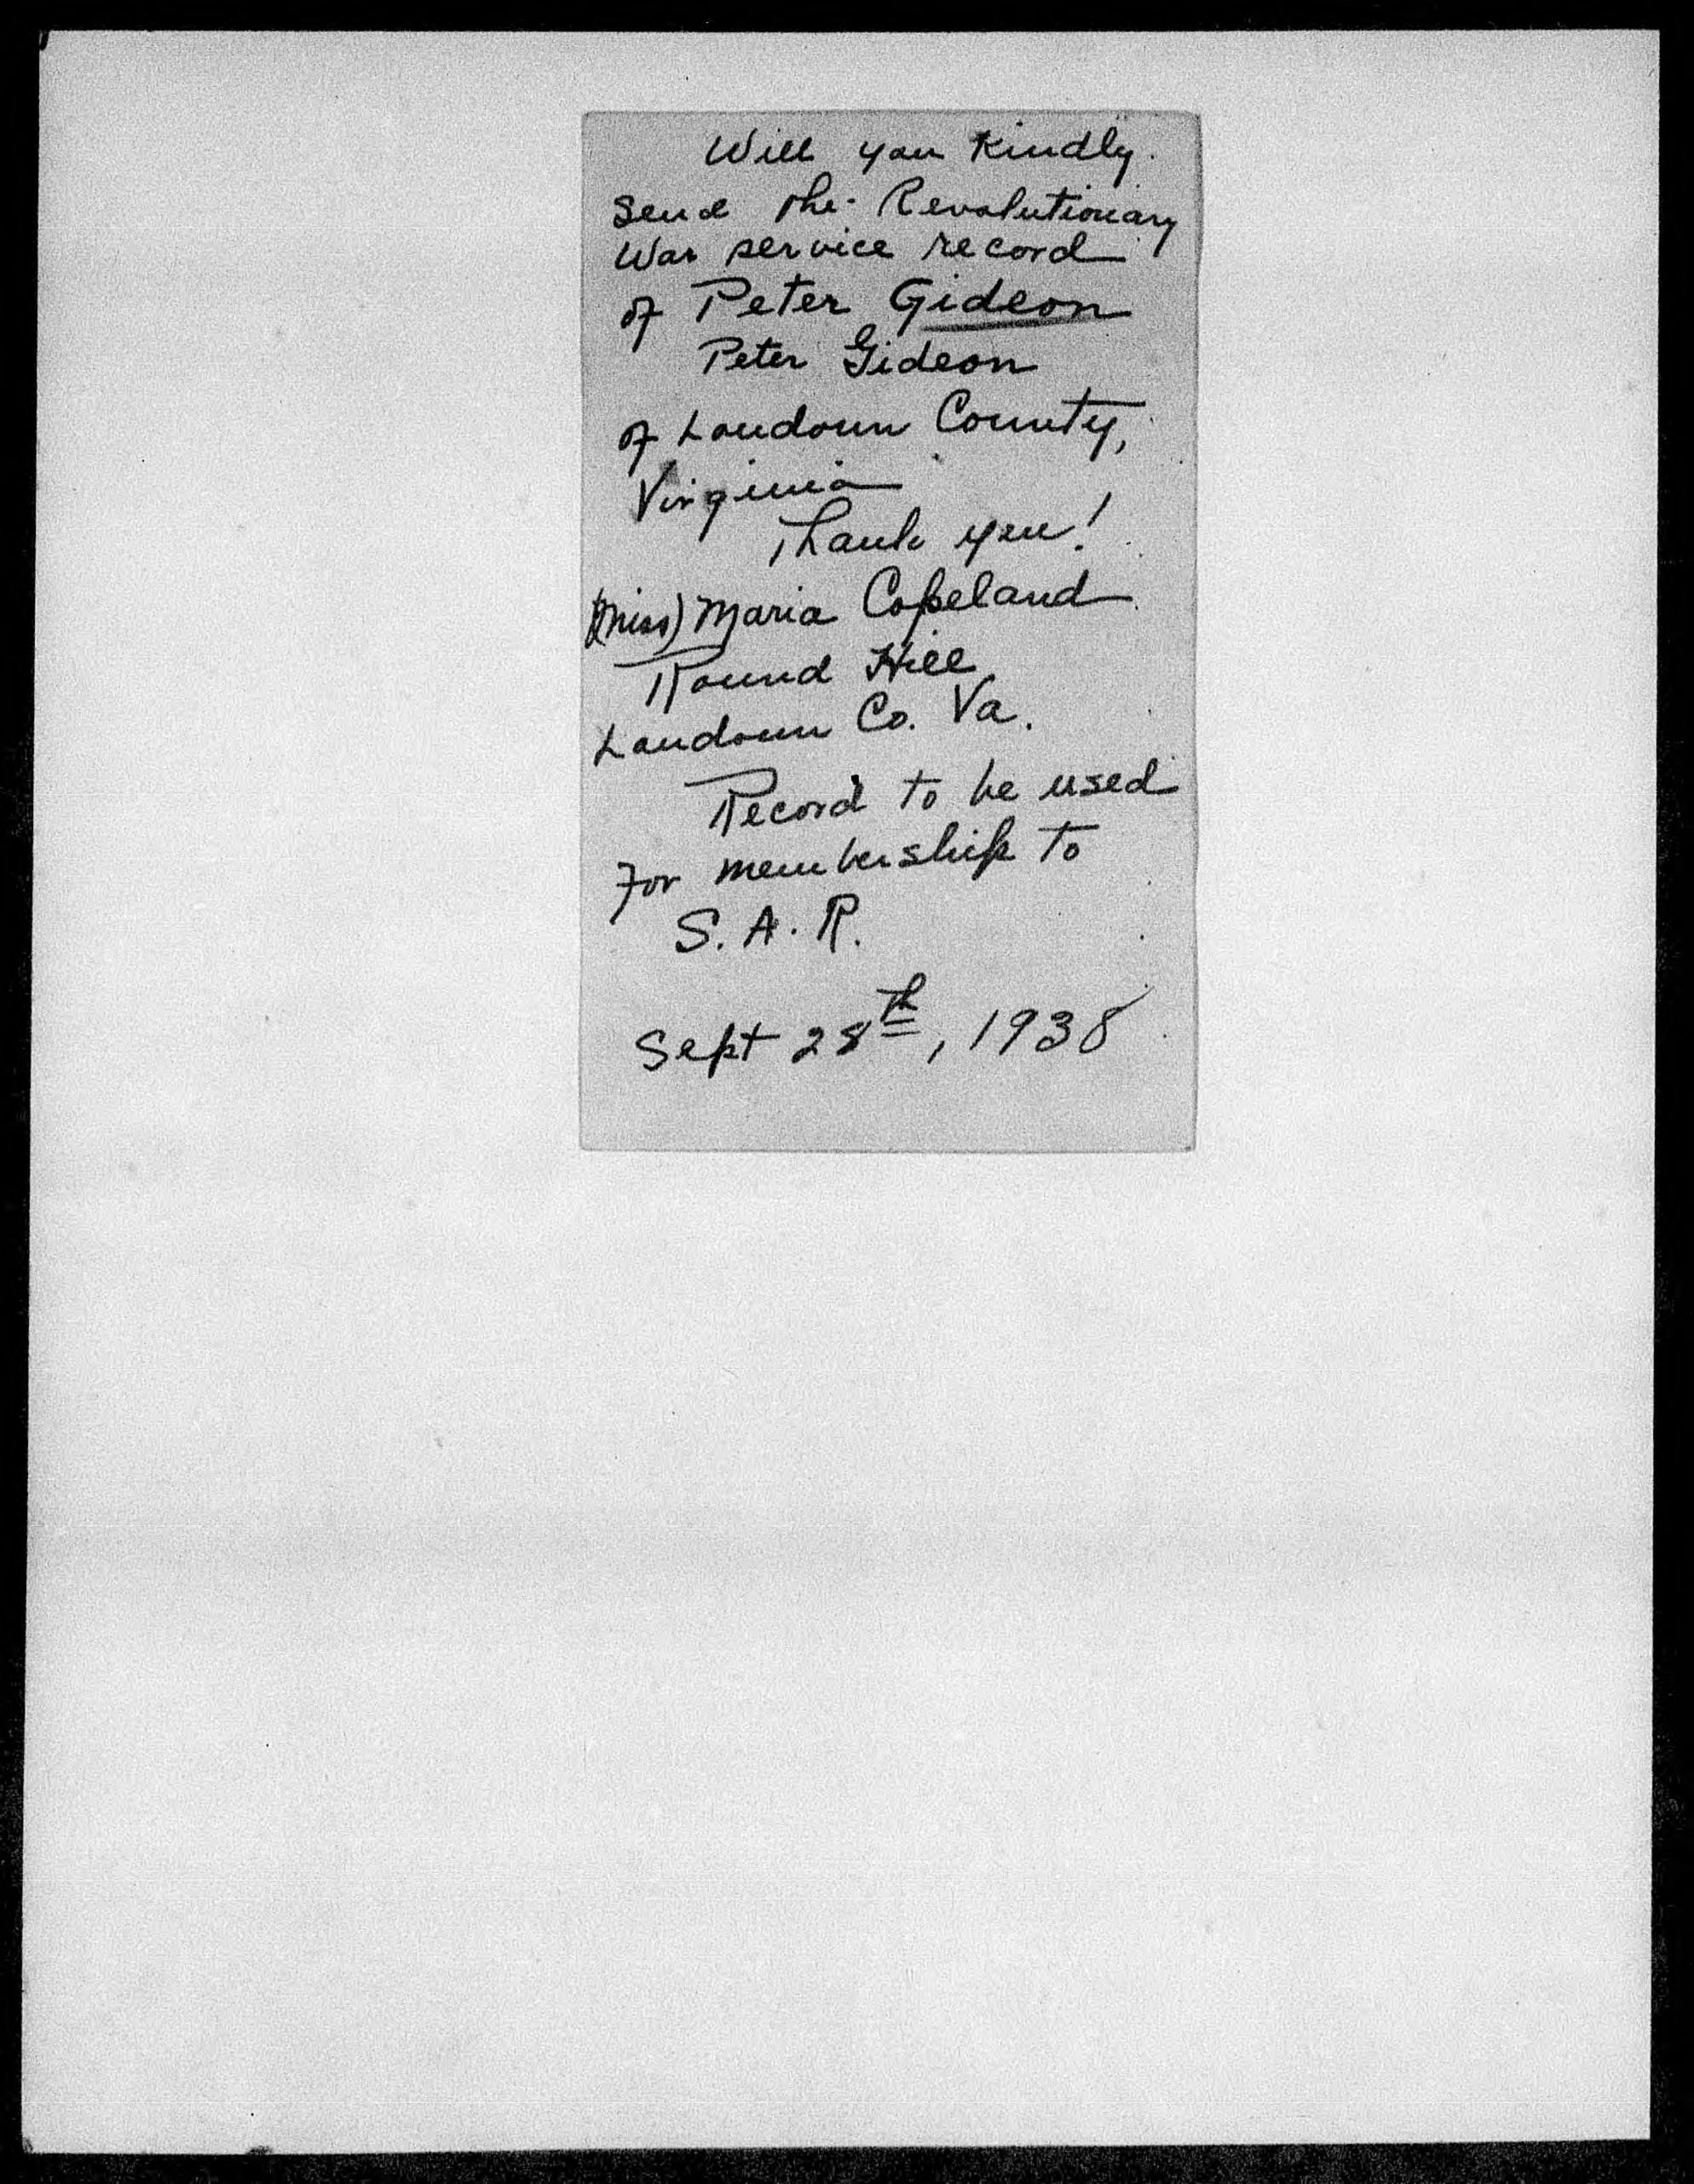Will you kindly 
send the Revolutionary war service record of Peter Gideon
of Loudoun County, Virginia
Thank You!

(Miss) Maria Copeland
Round Hill,
Landoun Co. Va

Record to be used for membership to S. A. R.
Sept 28th, 1938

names: Peter Gideon, Maria Copeland, Peter Gideon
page: 33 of 64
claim: survivor's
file: S. 6887, Peter Gideon, Md.